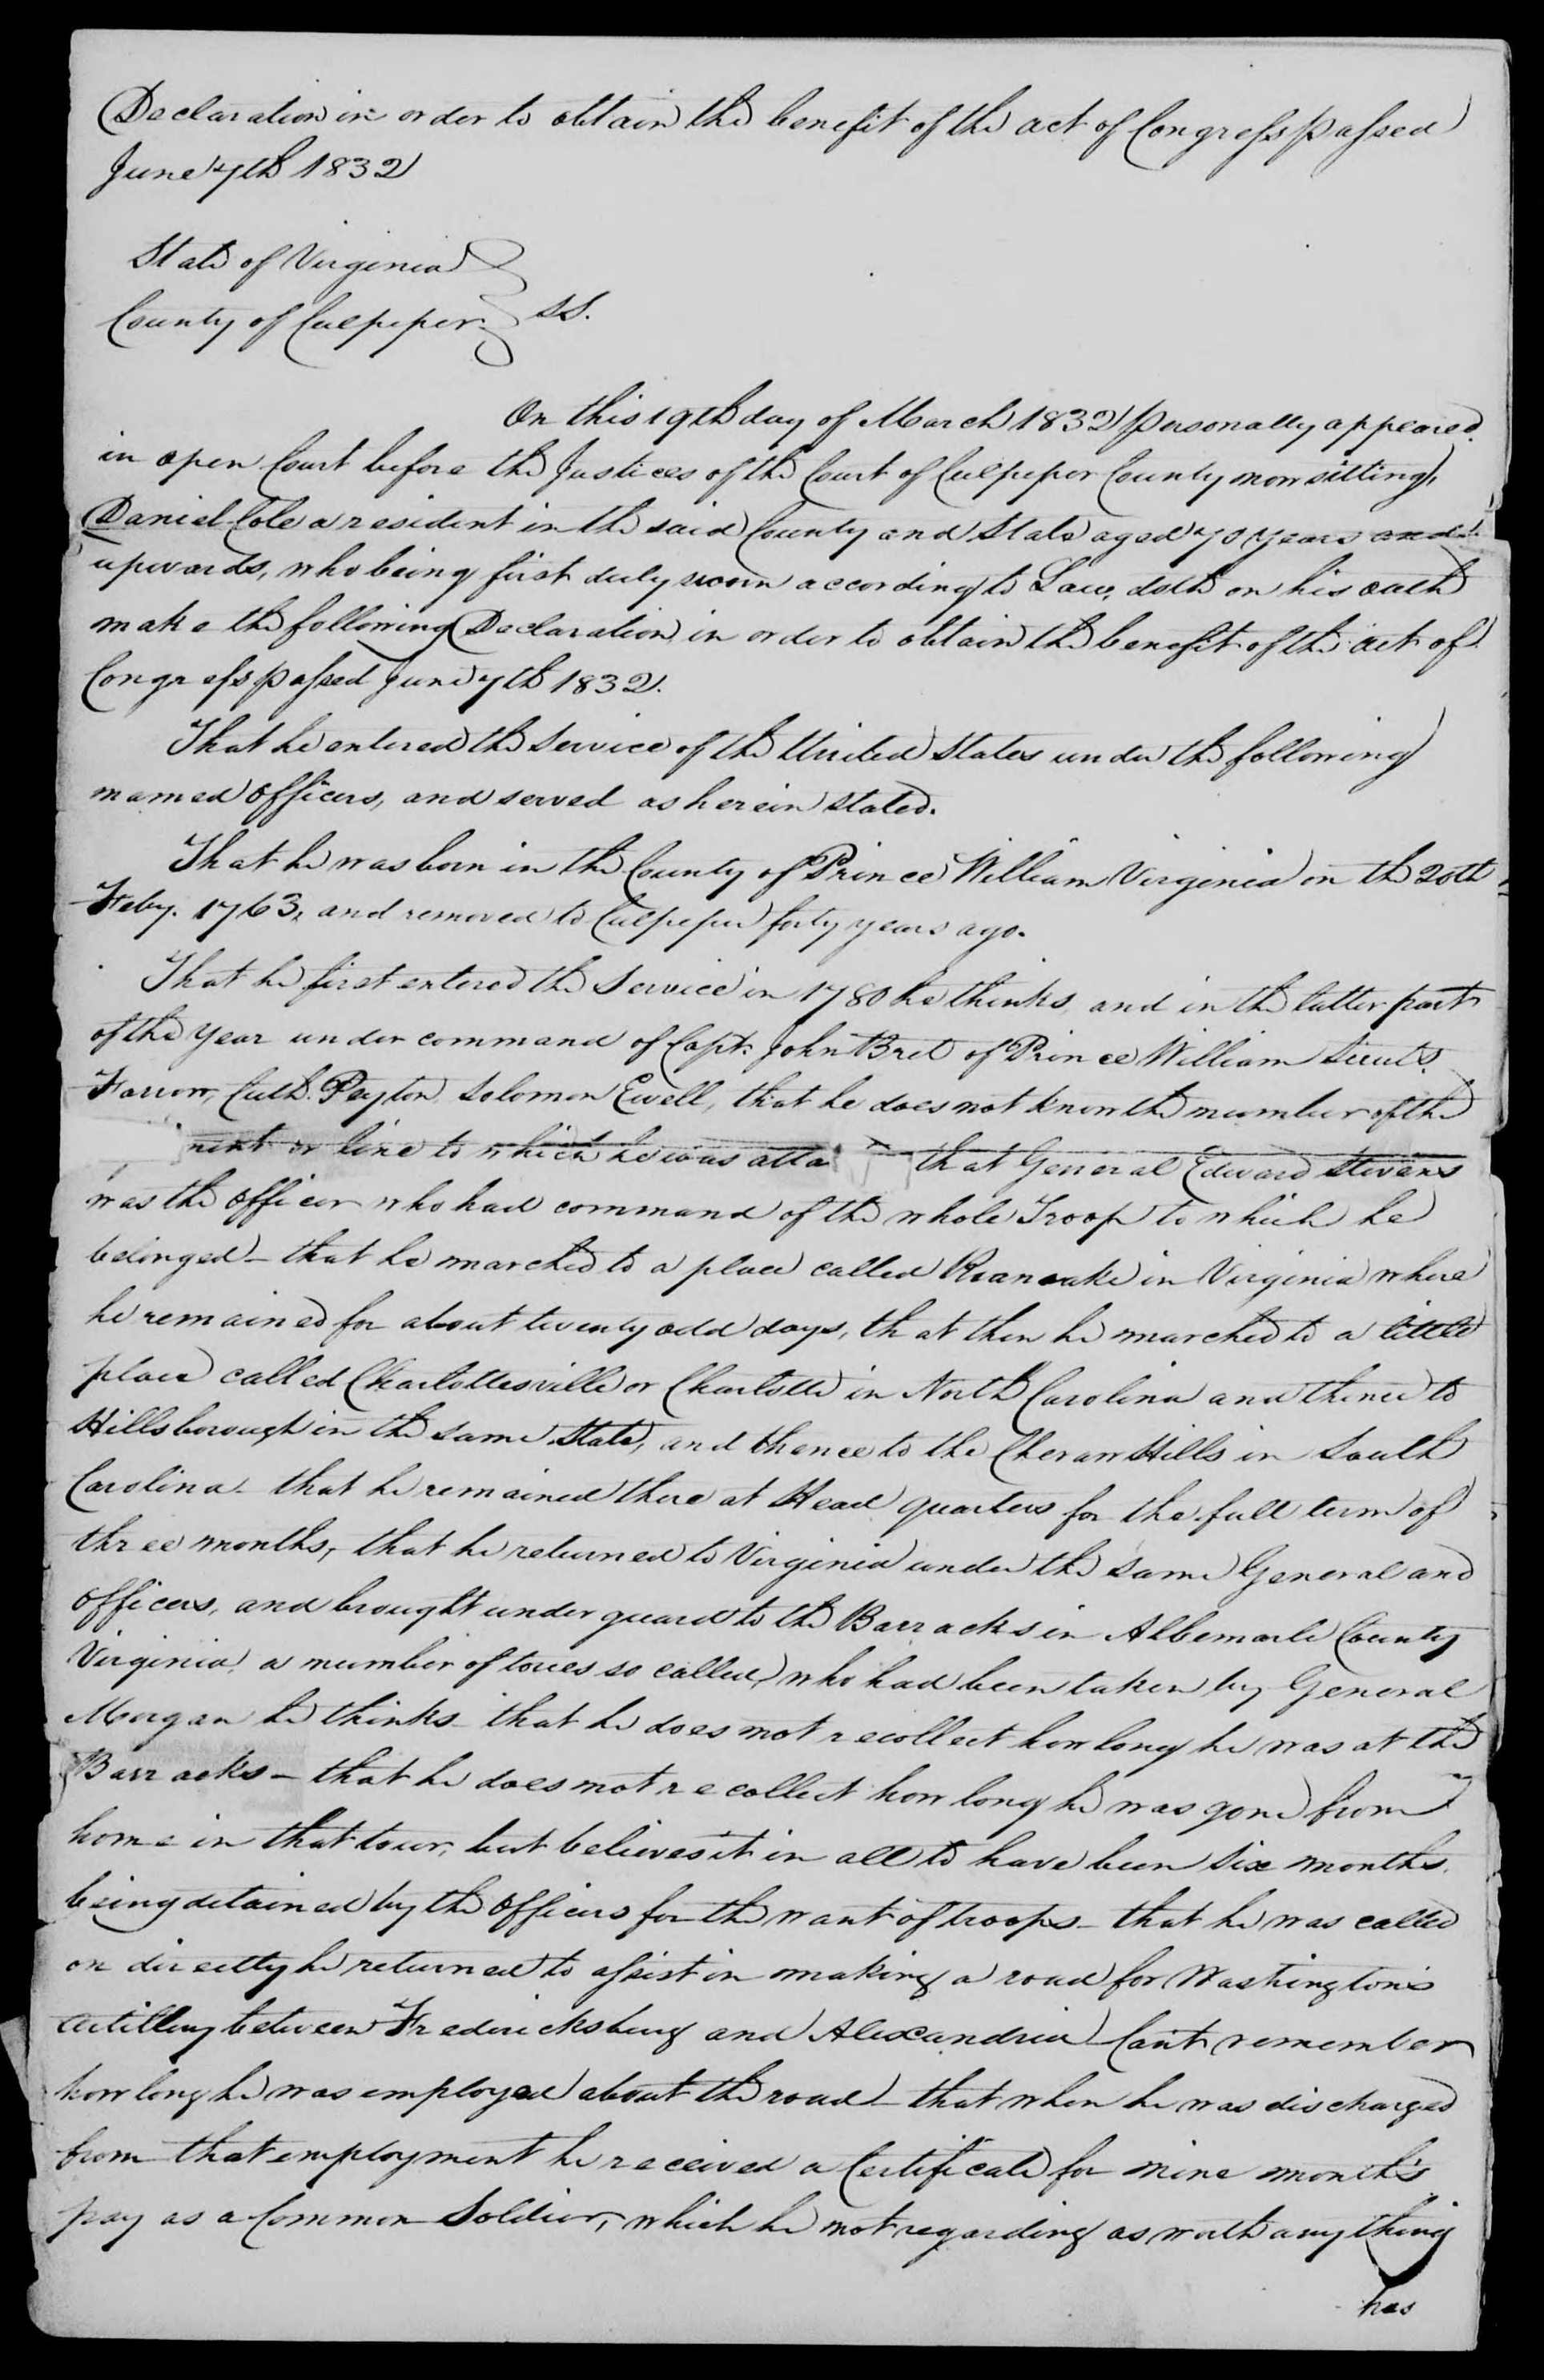Declaration in order to obtain the benefit of the act of Congress passed June 7th 1832

State of Virginia
County of Culpeper

On this 19th day of March 1832 personally appeared in open Court before the Justices of the Court of Culpeper County now sitting Daniel Cole a resident in the said County and State aged 70 years [illegible] upwards, who being first duly sworn according to Law, doth on his oath make the following Declaration in  order to obtain the benefit of the act of Congress as passed June 7th 1832.

That he entered the Service of the United States under the following named officers, and served as herein stated.
 
That he was born in the County of Prince William Virginia on the 20th Feby. 1763, and removed to Culpeper forty years ago.

That he first entered the Service in 1780 he thinks and in the latter parts of the year under command of Capt. John Bret [Britt] of Prince William Lieut's [Lieutenants] Farrow, Cath Payton, Solomon Ewell, that he does not know the number of the [illegible] [begin cross out] [regiment] or line to which he was attached that General Edward Stevens [end cross out] was the officer who had command of the whole Troop to which he belonged _  that he marched to a place called Roanoake [Roanoke] in Virginia where he remained for about twenty odd days, that then he marched to a little place called Charlottesville or Charlotte in North Carolina and thence to Hillsborough in the same State, and thence to the Cheraw Hills in South Carolina, that he remained there at Head quarters for the full term of three months, that he returned to Virginia under the same General and Officers, and brought under guard to the Barracks in Albemarle County Virginia a number of tories so called who had been taken by General Morgan he thinks that he does not recollect for how long he was at the Barracks _ that he does not recollect how long he was gone from home in that tour, but believes it in all to have been six months being detained by Officers for the want of troops _ that he was called on directly he returned to assist in making a road for Washington's Artillery between Fredericksburg and Alexandria Can't remember how long he was employed about the road _ that when he was discharged from that employment he received a Certificate for nine months pay as a Common Soldier, which he not regarding as worth any thing has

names: Farrow Cath Payton, Solomon Ewell, Daniel Cole, Morgan, John Bret, Edward Stevens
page: 4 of 61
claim: survivor's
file: S. 8236, Daniel Cole, Va.